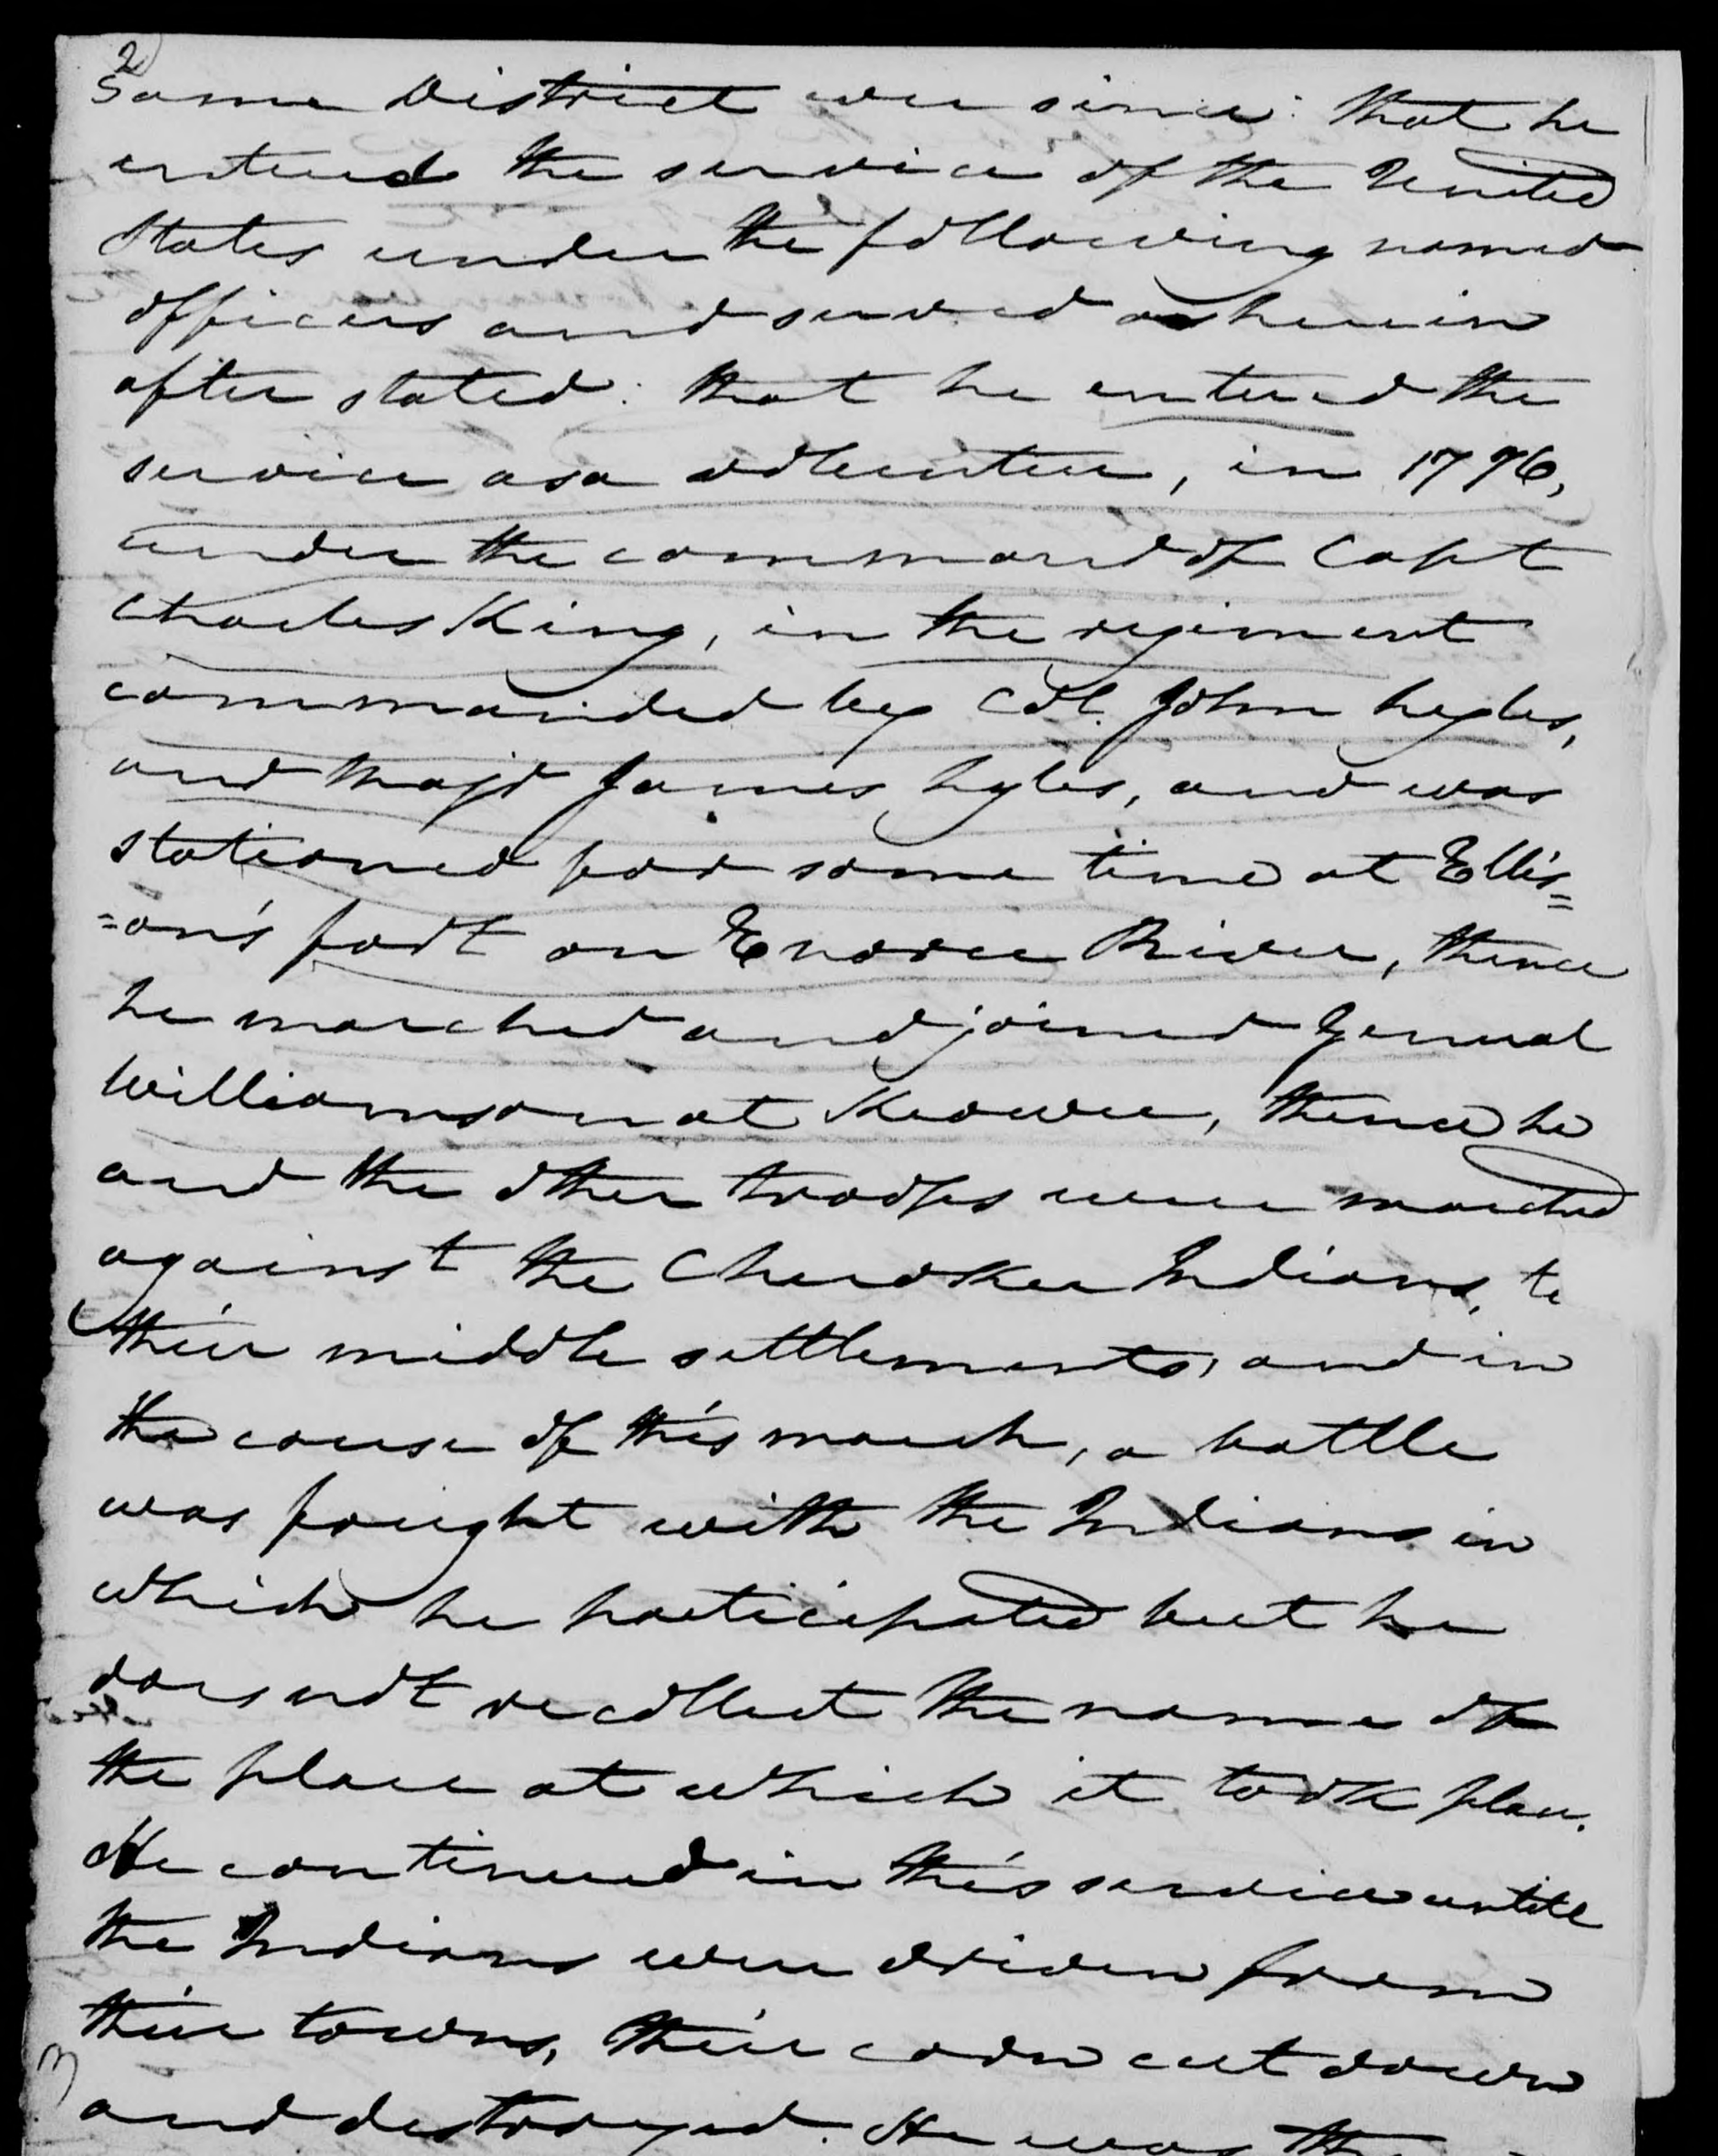2
same district ever since that he entered the service of the United States under the following named officers and served as herein after stated that he entered the service as a volunteer in 1776 under the command of capt Charles King in the regiment commanded by col John Lyles and major James Lyles and was stationed for some time at Ellison's fort on Enoree River thence he marched and joined General Williamson at Kedwee thence he and the other troops were marched against the Cherokee Indians to their middle settlements and in the course of this march a battle was fought with the Indians in which he participated but he does not recollect the name of the place at which it took Then he continued in this service untill the Indians were driven from their towns their cadn cut down and destroyed He was th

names: James Lyles, John Lyles, Charles King, Williamson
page: 4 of 13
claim: survivor's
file: S. 21,725, John Davis, S.C.